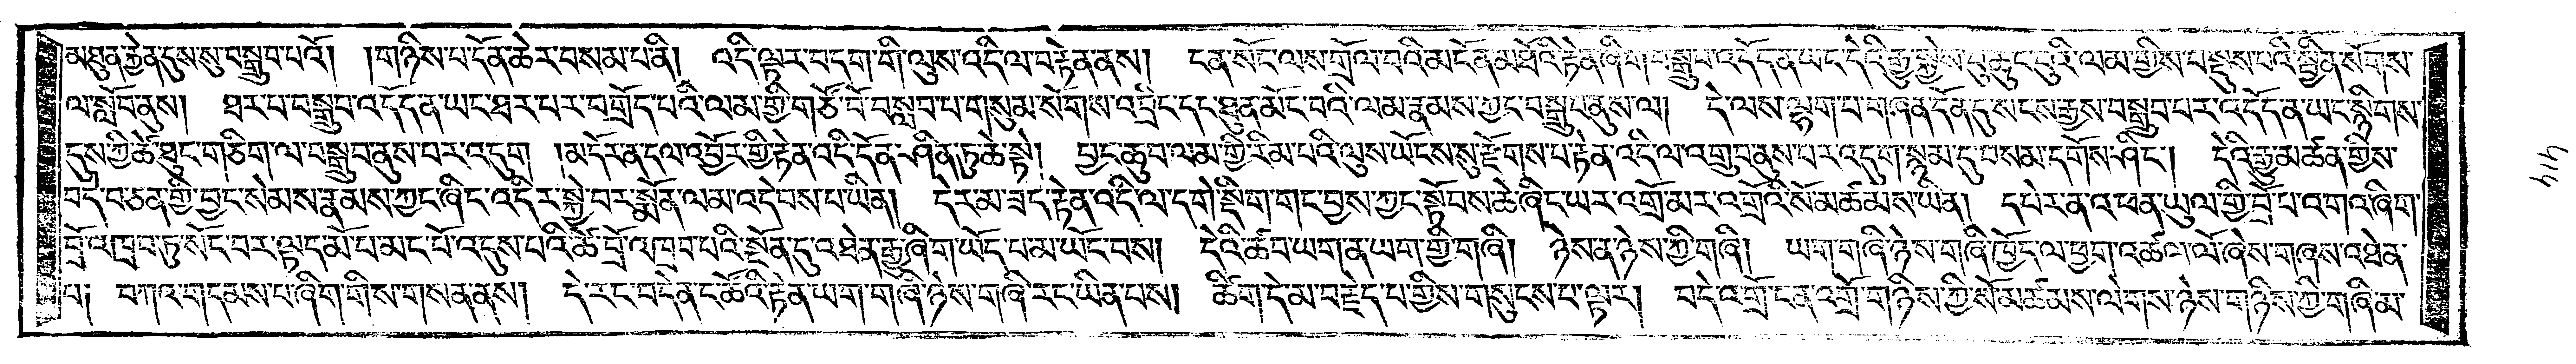མཐུན་རྐྱེན་དུས་སུ་བསྒྲུབ་པའོ། །གཉིས་པ་དོན་ཆེར་བསམ་པ་ནི། འདི་ལྟར་བདག་གི་ལུས་འདི་ལ་བརྟེན་ནས། ངན་སོང་ལས་གྲོལ་བའི་མངོན་མཐོའི་རྟེན་ཞིག་བསྒྲུབ་འདོད་ན་ཡང་དེའི་རྒྱུ་སྐྱེས་བུ་ཆུང་དུའི་ལམ་གྱིས་བསྡུས་པའི་སྦྱིན་སོགས་
ལ་སློབ་ནུས། ཐར་པ་བསྒྲུབ་འདོད་ན་ཡང་ཐར་པར་བགྲོད་པའི་ལམ་གྱི་གཙོ་བོ་བསླབ་པ་གསུམ་སོགས་འབྲིང་དང་ཐུན་མོང་བའི་ལམ་རྣམས་ཀྱང་བསྒྲུབ་ནུས་ལ། དེ་ལས་ལྷག་པ་གཞན་དོན་དུ་སངས་རྒྱས་བསྒྲུབ་པར་འདོད་ན་ཡང་སྙིགས་
དུས་ཀྱི་ཚེ་ཐུང་གཅིག་ལ་བསྒྲུབ་ནུས་བར་འདུག །མདོར་ན་རྣལ་འབྱོར་གྱི་རྟེན་འདི་དོན་ཤིན་ཏུ་ཆེ་སྟེ། བྱང་ཆུབ་ལམ་གྱི་རིམ་པའི་ལུས་ཡོངས་སུ་རྫོགས་པ་རྟེན་འདི་ལ་འགྲུབ་ནུས་པར་འདུག་སྙམ་དུ་བསམ་དགོས་ཤི། དེའི་རྒྱུ་མཚན་གྱིས་
བདེ་བ་ཅན་གྱི་བྱང་སེམས་རྣམས་ཀྱང་ཞིང་འདིར་སྐྱེ་བར་སྨོན་ལམ་འདེབས་པ་ཡིན། དེར་མ་ཟད་རྟེན་འདི་ལ་དགེ་སྡིག་གང་བྱས་ཀྱང་སྟོབས་ཆེ་ཞིང་ཡར་འགྲོ་མར་འགྲོའི་སོ་མཚམས་ཡིན། དཔེར་ན་འཕན་ཡུལ་གྱི་བྲོ་པ་འགའ་ཞིག་
བྲོ་འཁྲབ་ཏུ་སོང་བར་ལྟད་མོ་པ་མང་པོ་འདུས་བའི་ཚེ་བྲོ་འཁྲབ་པའི་སྔོན་དུ་འཐེན་རྒྱུ་ཞིག་ཡོད་པ་མ་ཡོངས་བས། དེའི་ཚབ་ཡག་ན་ཡག་གྱི་གཞི། ཉེས་ན་ཉེས་ཀྱི་གཞི། ཡག་གཞི་ཉེས་གཞི་ཁྱོད་ལ་ཕྱག་འཚལ་ལོ་ཞེས་གཞས་འཐེན་
པ། བཀའ་གདམས་བ་ཞིག་གིས་གསན་ནས། དེ་རང་བདེན་ང་ཚོའི་རྟེན་ཡག་གཞི་ཉེས་གཞི་རང་ཡིན་པས། ཚིག་དེ་མ་བརྗེད་པ་གྱིས་གསུངས་པ་ལྟར། བདེ་འགྲོ་ངན་འགྲོ་གཉིས་ཀྱི་སོ་མཚམས་ལེགས་ཉེས་གཉིས་ཀྱི་གཞི་མ་